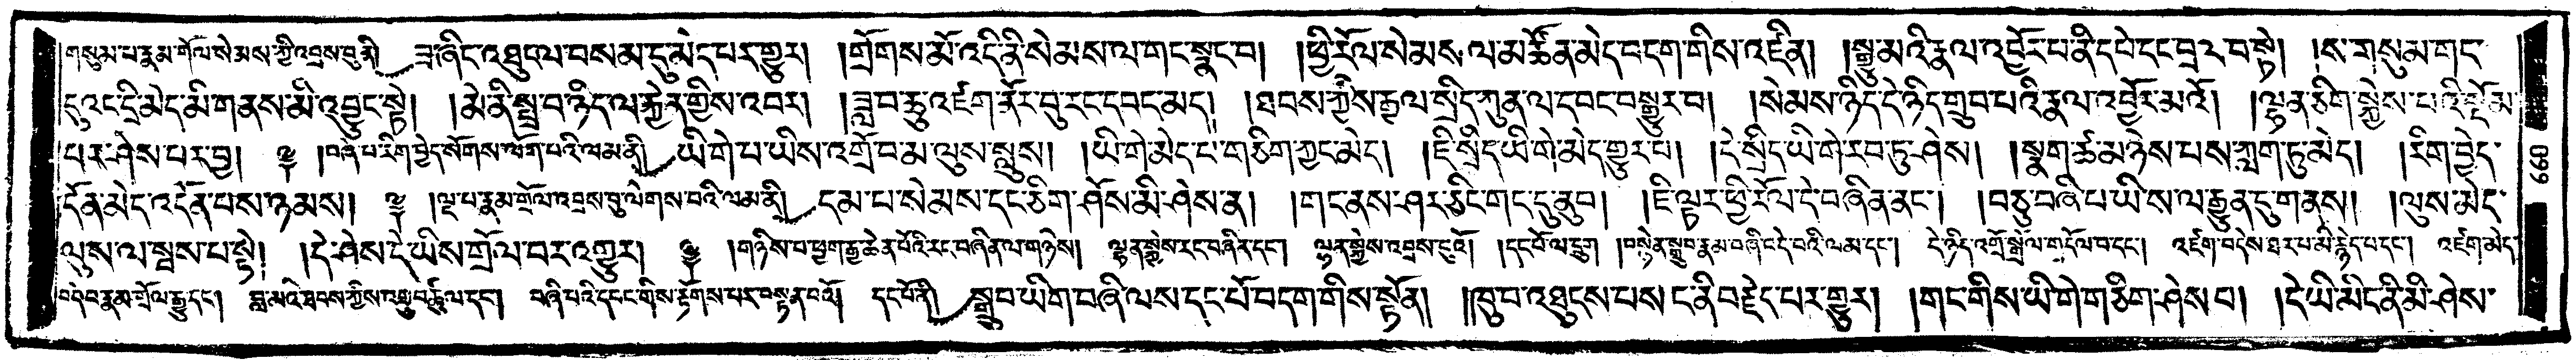གསུམ་པ་རྣམ་གོལ་སེམས་ཀྱི་འབྲས་བུ་ནི། ཟ་ཞིང་འཐུང་ལ་བསམ་དུ་མེད་པར་གྱུར། །གྲོགས་མོ་འདི་ནི་སེམས་ལ་གང་སྣང་བ། །ཕྱི་རོལ་སེམས་ལ་མཚོན་མེད་བདག་གིས་འཛིན། །སྒྱུ་མའི་རྣལ་འབྱོར་པ་ནི་དཔེ་དང་བྲལ་བ་སྟེ། །ས་གསུམ་གང་
དུའང་དྲི་མེད་མི་གནས་མི་འབྱུང་སྟེ། །མེ་ནི་སྤྲ་བ་ཉིད་ལ་རྐྱེན་གྱིས་འབར། །ཟླ་བ་ཆུ་འཛག་ནོར་བུ་རང་དབང་མད། །ཐབས་ཀྱིས་རྒྱལ་སྲིད་ཀུན་ལ་དབང་བསྒྱུར་བ། །སེམས་ཉིད་དེ་ཉིད་གྲུབ་པའི་རྣལ་འབྱོར་མའོ། །ལྷན་ཅིག་སྐྱེས་པའི་སྡོམ་
པར་ཤས་པར་བྱ། ༈ །བན་པ་རིག་བྱེད་སོགས་ལོག་པའི་ལམ་ནི། ཡི་གེ་པ་ཡིས་འགྲོ་བ་མ་ལུས་སླུས། །ཡི་གེ་མེད་པ་གཅིག་ཀྱང་མེད། །ཇི་སྲིད་ཡི་གེ་མེད་གྱུར་པ། །དེ་སྲིད་ཡི་གེ་རབ་ཏུ་ཤེས། །སྣག་ཚ་མཉེས་པས་ཀླག་ཏུ་མེད། །རིག་བྱེད་
དོན་མེད་འདོན་པས་ཉམས། ༈ །ལྔ་པ་རྣམ་བྲོལ་འདྲས་བུ་ལེགས་པའི་ལམ་ནི། དམ་པ་སེམས་དང་ཅིག་ཤོས་མི་ཤེས་ན། །གང་ནས་ཤར་ཅིང་གང་དུ་ནུབ། །ཇི་ལྟར་ཕྱི་རོལ་དེ་བཞིན་ནང་། །བཅུ་བཞི་པ་ཡིས་ལ་རྒྱུན་དུ་གནས། །ལུས་མེད་
ལུས་ལ་སྦས་པ་སྟེ། །དེ་ཤེས་དེ་ཡིས་གྲོལ་བར་འགྱུར། ༈ །གཉིས་པ་ཕྱག་རྒྱ་ཆེན་པོའི་རང་བཞིན་ལ་གཉིས། ལྷན་སྐྱེས་རང་བཞིན་དང་། ལྷན་སྐྱེས་འདྲས་བུའོ། །དང་པོ་ལ་དྲུག །བསྙེན་སྒྲུབ་རྣམ་བཞིང་དེ་བའི་ལམ་དང་། དེ་ཉིད་འགྲོ་སྒྲོལ་གདོལ་བ་དང་། འཛག་བདེས་ཐར་པ་མི་རྙེད་པ་དང་། འཛག་མེད་
བདེ་བརྣམ་གྲོལ་རྒྱུད་དང་། བླ་མའི་?་ཀྱིས་?་དང་། བཞི་བའི་དབང་གིས་རྟོགས་པར་བསྟན་པའོ། དང་པོ་ནི། སྒྲུབ་ཡིག་བཞི་ལས་དང་པོ་བདག་གིས་སྟོན། །ཁུབ་འཐུངས་པས་ང་ནི་བརྗེད་པར་གྱུར། །གང་གིས་ཡི་གེ་གཅིག་ཤེས་པ། །དེ་ཡི་མིང་ནི་མི་ཤེས་